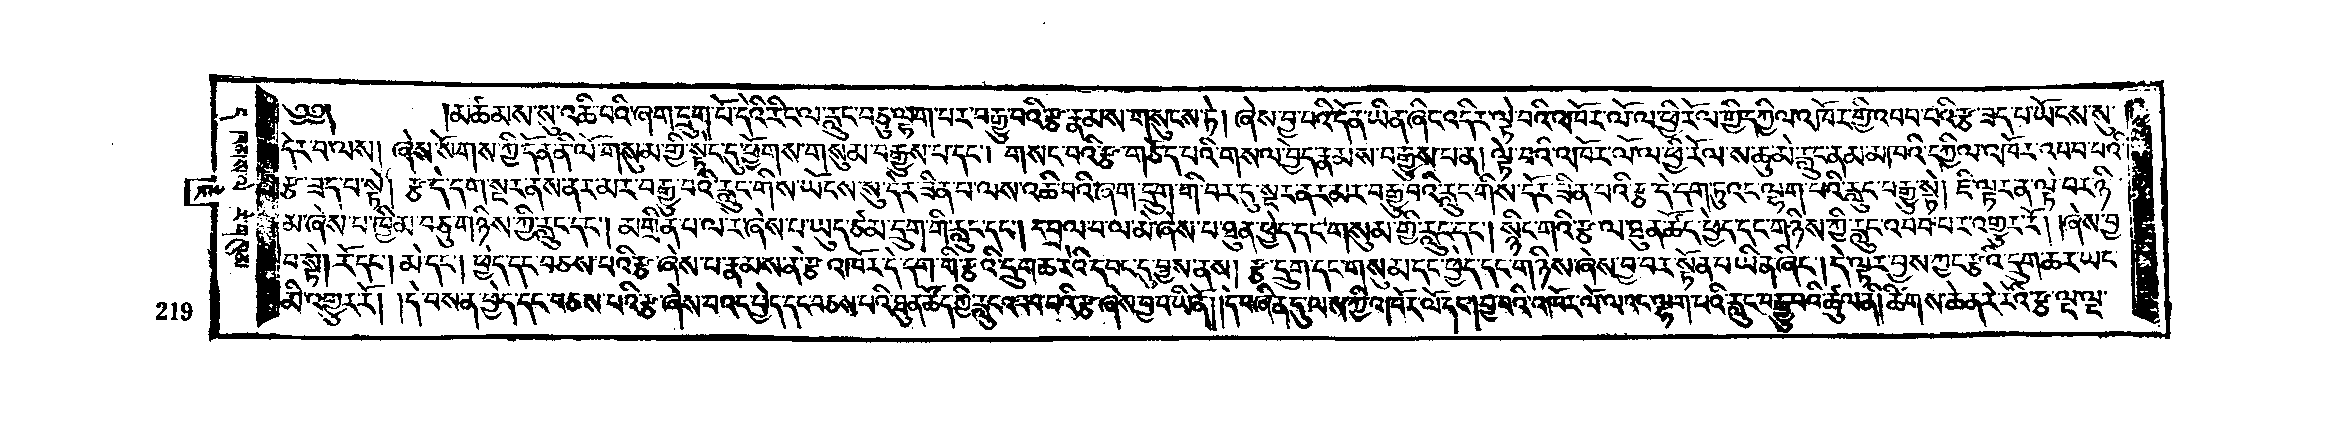༄༅། །མཚམས་སུ་འཆི་བའི་ཞག་དྲུག་པོ་དེའི་རིང་ལ་རླུང་བཅུ་ལྷག་པར་བརྒྱུ་བའི་རྩ་རྣམས་གསུངས་ཏེ། ཞེས་བྱ་བའི་དོན་ཡིན་ཞིང་འདིར་ལྟེ་བའི་འཁོར་ལོ་ལ་ཕྱི་རོལ་གྱི་དཀྱིལ་འཁོར་གྱི་འབབ་པའི་རྩ་ཟད་པ་ཡོངས་སུ་
དེར་བ་ལས། ཞེས་སོགས་ཀྱི་དོན་ནི་ལོ་གསུམ་གྱི་སྟེང་དུ་ཕྱོགས་གསུམ་བརྒྱུས་པ་དང་། གསང་བའི་རྩ་གཅོད་པའི་གསལ་བྱེད་རྣམས་བརྒྱུས་པ་ན། ལྟེ་བའི་འཁོར་ལོ་ལ་ཕྱི་རོལ་ས་ཆུ་མེ་རླུང་ནམ་མཁའི་དཀྱིལ་འཁོར་འབབ་པའི་
རྩ་ཟད་པ་སྟེ། རྩ་དེ་དག་སྔར་ནས་ནར་མར་བརྒྱུ་བའི་རླུང་གིས་ཡོངས་སུ་དེར་ཟིན་པ་ལས་འཆི་བའི་ཞག་དྲུག་གི་བར་དུ་སྔར་ནར་མར་བརྒྱུ་བའི་རླུང་གིས་དོར་ཟིན་པའི་རྩ་དེ་དག་ཏུའང་ལྷག་པའི་རླུང་བརྒྱུ་སྟེ། ཇི་ལྟར་ན་ལྟེ་བར་ཉི་
མ་ཞེས་པ་ཁྱིམ་བཅུ་གཉིས་ཀྱི་རླུང་དང་། མགྲིན་པ་ལ་ར་ཞེས་པ་ཡུད་ཙམ་དྲུག་གི་རླུང་དང་། དཔྲལ་བ་ལ་མེ་ཞེས་པ་ཐུན་ཕྱེད་དང་གསུམ་གྱི་རླུང་དང་། སྙིང་གའི་རྩ་ལ་ཐུན་ཚོད་ཕྱེད་དང་གཉིས་ཀྱི་རླུང་འབབ་པར་འགྱུར་རོ། །ཞེས་བྱ་
བ་སྟེ། རོ་དང་། མེ་དང་། ཕྱེད་དང་བཅས་པའི་རྩ་ཞེས་པ་རྣམས་ནི་རྩ་འཁོར་དེ་དག་གི་རྩའི་དྲུག་ཆ་རེའི་དབང་དུ་བྱས་ནས། རྩ་དྲུག་དང་གསུམ་དང་ཕྱེད་དང་གཉིས་ཞེས་བྱ་བར་སྟོན་པ་ཡིན་ཞིང་། དེ་ལྟར་བྱས་ཀྱང་རྩའི་དྲུག་ཆར་ཡང་
མི་འགྱུར་རོ། །དེ་བས་ན་ཕྱེད་དང་བཅས་པའི་རྩ་ཞེས་པའང་ཕྱེད་དང་བཅས་པའི་ཐུན་ཚོད་ཀྱི་རླུང་འབབ་པའི་རྩ་ཞེས་བྱ་བ་ཡིན་ནོ། །དེ་བཞིན་དུ་ལས་ཀྱི་འཁོར་ལོ་དང་། བྱ་བའི་འཁོར་ལོ་ལའང་ལྷག་པའི་རླུང་བརྒྱུ་བའི་ཚུལ་ནི། ཚིགས་ཆེན་རེ་རེའི་རྩ་ལྔ་ལྔ་